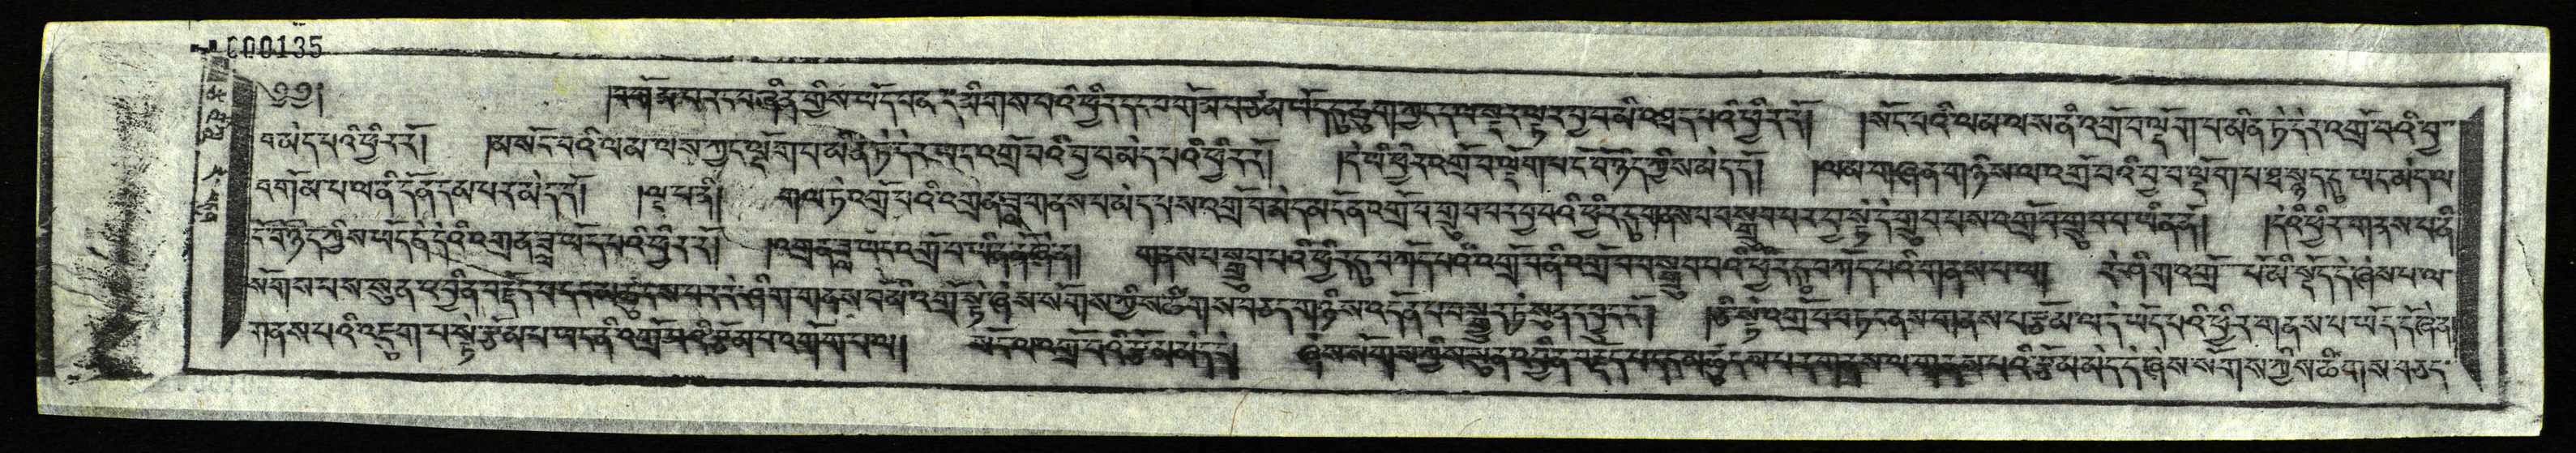༄༅། །བགོམ་པ་རང་བཞིན་གྱིས་ཡོད་པ་མ་དམིགས་པའི་ཕྱིར་དང་བགོམ་པ་ཙམ་ཡོད་དུ་ཆུག་ཀྱང་དལ་སྔར་ལྟར་བྱ་བ་མི་འཐད་པའི་ཕྱིར་རོ། །སོང་བའི་ལམ་ལས་ནི་འགྲོ་བ་ལྡོག་པ་མིན་ཏེ་དེར་འགྲོ་བའི་བྱ་
བ་མེད་པའི་ཕྱིར་རོ། །མ་སོང་བའི་ལམ་ལས་ཀྱང་ལྡོག་པ་མིན་ཏེ་དེར་ཡང་འགྲོ་བའི་བྱ་བ་མེད་པའི་ཕྱིར་རོ། །དེ་ཡི་ཕྱིར་འགྲོ་བ་ལྡོག་པ་ངོ་བོ་ཉིད་ཀྱིས་མེད་དོ། །ལམ་གཞན་གཉིས་ལ་འགྲོ་བའི་བྱ་བ་ལྡོག་པ་ཐ་སྙད་དུ་ཡང་མེད་ལ་
འགོམ་པ་ལ་ནི་དོན་དམ་པར་མེད་དོ། །ལྔ་པ་ནི། གལ་ཏེ་འགྲོ་བའི་འགྲན་ཟླ་གནས་པ་མེད་པས་འགྲོ་བ་མེད་མངོན་འགྲོ་བ་གྲུབ་པར་བྱ་བའི་ཕྱིར་དུ་གནས་པ་བསྒྲུབ་པར་བྱ་སྟེ་དེ་གྲུབ་པས་འགྲོ་བ་གྲུབ་པ་ཡིན་ནོ། །དེའི་ཕྱིར་གནས་པ་ནི་
ངོ་བོ་ཉིད་ཀྱིས་ཡོད་དེ་དེའི་འགྲན་ཟླ་ཡོད་པའི་ཕྱིར་རོ། །འགྲན་ཟླ་ཡང་འགྲོ་བ་ཡིན་ནོ་ཞེ་ན། གནས་བསྒྲུབ་པའི་ཕྱིར་དུ་བཀོད་པའི་འགྲོ་བ་ནི་འགྲོ་བ་བསྒྲུབ་པའི་ཕྱིར་དུ་བཀོད་པའི་གནས་པ་ལ། རེ་ཤིག་འགྲོ་པོ་མི་སྡོད་དེ་ཞེས་པ་ལ་
སོགས་པས་སུན་འབྱིན་བརྗོད་པ་དང་མཚུངས་པར་རེ་ཤིག་གནས་པ་མི་འགྲོ་སྟེ་ཞེས་སོགས་ཀྱིས་ཚིགས་བཅད་གཉིས་འདོན་པ་བསྒྱུར་ཏེ་སུན་དབྱུང་ངོ། །ཅི་སྟེ་འགྲོ་བ་བཏང་ནས་གནས་པ་རྩོམ་ལ་དེ་ཡོད་པའི་ཕྱིར་གནས་པ་ཡོད་དོ་ཞེ་ན།
གནས་པའི་འཇུག་པ་སྟེ་རྩོམ་པ་ཡང་ནི་འགྲོ་བའི་རྩོམ་པ་འགོག་པ་ལ། སོང་ལ་འགྲོ་བའི་རྩོམ་མེད་དེ། ཞེས་སོགས་ཀྱིས་སུན་འབྱིན་བརྗོད་པ་དང་མཚུངས་པར་གནས་ལ་གནས་པའི་རྩོམ་མེད་དེ་ཞེས་སོགས་ཀྱིས་ཚིགས་བཅད་